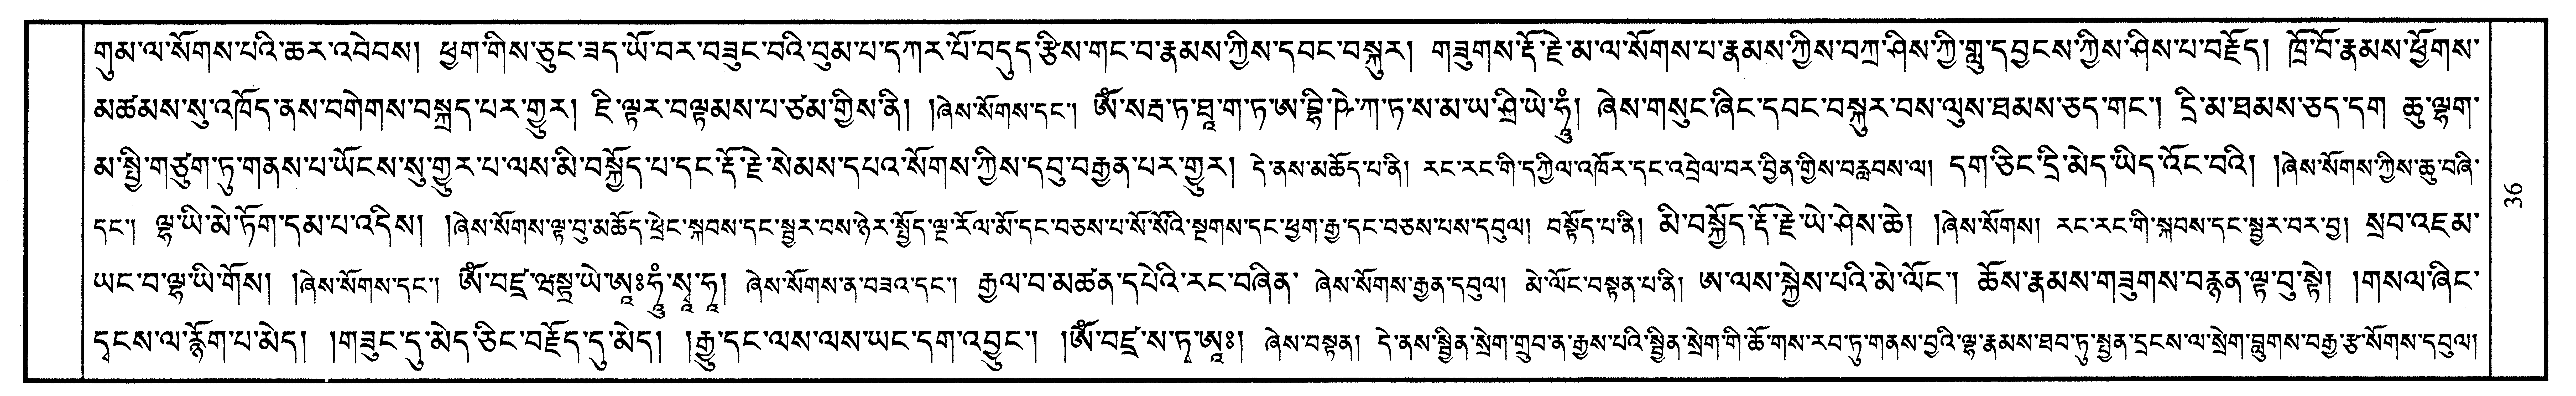གུམ་ལ་སོགས་པའི་ཆར་འབེབས། ཕྱག་གིས་ཅུང་ཟད་ཡོ་བར་བཟུང་བའི་བུམ་པ་དཀར་པོ་བདུད་རྩིས་གང་བ་རྣམས་ཀྱིས་དབང་བསྐུར། གཟུགས་རྡོ་རྗེ་མ་ལ་སོགས་པ་རྣམས་ཀྱིས་བཀྲ་ཤིས་ཀྱི་གླུ་དབྱངས་ཀྱིས་ཤིས་པ་བརྗོད། ཁྲོ་བོ་རྣམས་ཕྱོགས་
མཚམས་སུ་འཁོད་ནས་བགེགས་བསྐྲད་པར་གྱུར། ཇི་ལྟར་བལྟམས་པ་ཙམ་གྱིས་ནི། །ཞེས་སོགས་དང་། ཨོཾ་སརྦ་ཏ་ཐཱ་ག་ཏ་ཨ་བྷི་ཥེ་ཀ་ཏ་ས་མ་ཡ་ཤྲི་ཡེ་ཧཱུཾ། ཞེས་གསུང་ཞིང་དབང་བསྐུར་བས་ལུས་ཐམས་ཅད་གང་། དྲི་མ་ཐམས་ཅད་དག་ཆུ་ལྷག་
མ་སྤྱི་གཙུག་ཏུ་གནས་པ་ཡོངས་སུ་གྱུར་པ་ལས་མི་བསྐྱོད་པ་དང་རྡོ་རྗེ་སེམས་དཔའ་སོགས་ཀྱིས་དབུ་བརྒྱན་པར་གྱུར། དེ་ནས་མཆོད་པ་ནི། རང་རང་གི་དཀྱིལ་འཁོར་དང་འབྲེལ་བར་བྱིན་གྱིས་བརླབས་ལ། དག་ཅིང་དྲི་མེད་ཡིད་འོང་བའི། །ཞེས་སོགས་ཀྱིས་ཆུ་བཞི་
དང་། ལྷ་ཡི་མེ་ཏོག་དམ་པ་འདིས། །ཞེས་སོགས་ལྟ་བུ་མཆོད་ཕྲེང་སྐབས་དང་སྦྱར་བས་ཉེར་སྤྱོད་ལྔ་རོལ་མོ་དང་བཅས་པ་སོ་སོའི་སྔགས་དང་ཕྱག་རྒྱ་དང་བཅས་པས་དབུལ། བསྟོད་པ་ནི། མི་བསྐྱོད་རྡོ་རྗེ་ཡེ་ཤེས་ཆེ། །ཞེས་སོགས། རང་རང་གི་སྐབས་དང་སྦྱར་བར་བྱ། །སྲབ་འཇམ་
ཡང་བ་ལྷ་ཡི་གོ། །ཞེས་སོགས་དང་། ཨོཾ་བཛྲ་ཝསྟྲ་ཡེ་ཨཱཿ ཧཱུཾ་སྭཱ་ཧཱ། ཞེས་སོགས་ན་བཟའ་དང་། རྒྱལ་བ་མཚན་དཔེའི་རང་བཞིན། ཞེས་སོགས་རྒྱན་དབུལ། མེ་ལོང་བསྟན་པ་ནི། ཨ་ལས་སྐྱེས་པའི་མེ་ལོང་། ཆོས་རྣམས་གཟུགས་བརྙན་ལྟ་བུ་སྟེ། །གསལ་ཞིང་
དྭངས་ལ་རྙོག་པ་མེད། །གཟུང་དུ་མེད་ཅིང་བརྗོད་དུ་མེད། །རྒྱུད་ལས་ལས་ཡང་དག་འབྱུང་། །ཨོཾ་བཛྲ་ས་ཏྭ་ཧཱཿ། ཞེས་བསྟན། དེ་ནས་སྦྱིན་སྲེག་གྲུབ་ན་རྒྱས་པའི་སྦྱིན་སྲེག་གི་ཆོ་གས་རབ་ཏུ་གནས་བྱའི་ལྷ་རྣམས་ཐབ་ཏུ་སྤྱན་དྲངས་ལ་སྲེག་བླུགས་བརྒྱ་རྩ་སོགས་དབུལ།